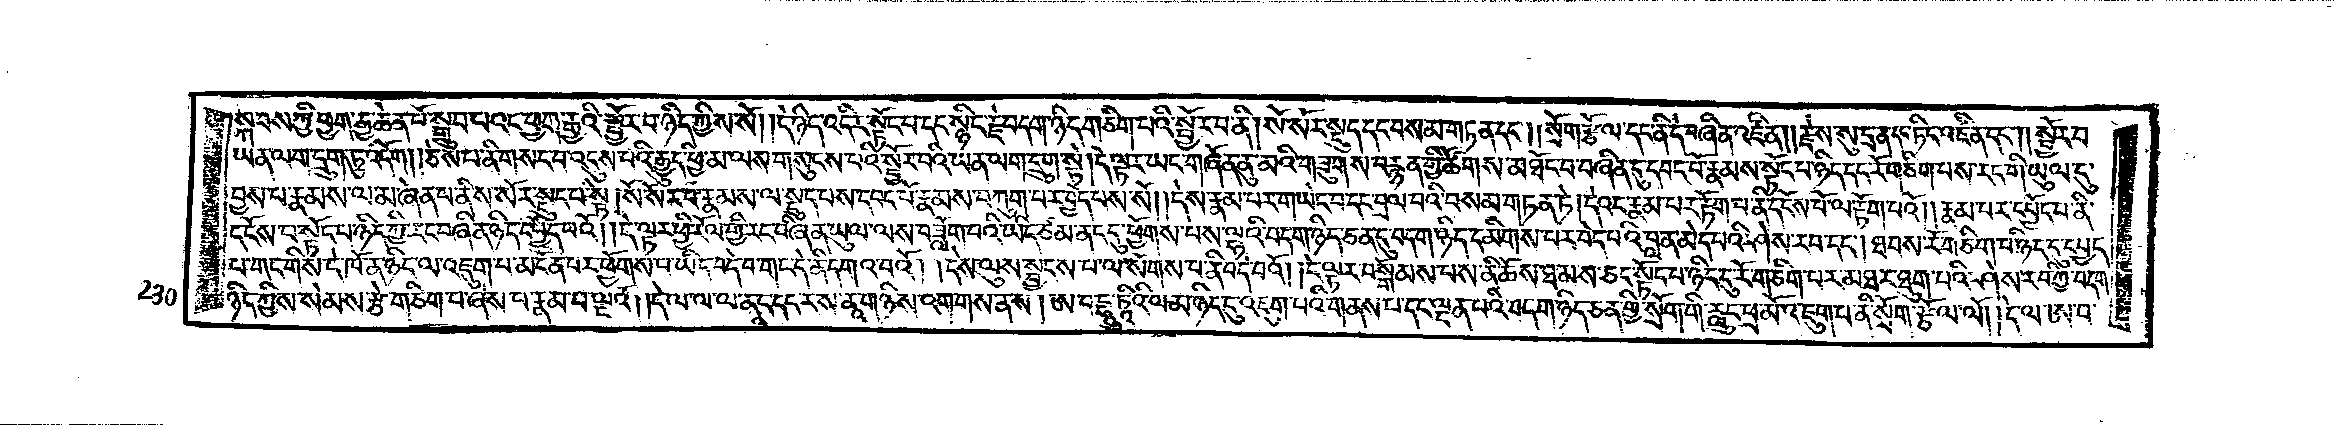སྐབས་ཀྱི་ཕྱག་རྒྱ་ཆེན་པོ་སྒྲུབ་པའང་ཕྱག་རྒྱའི་སྦྱོར་བ་ཉིད་ཀྱིས་སོ། །དེ་ཉིད་འདིར་སྟོང་པ་དང་སྙིང་རྗེ་བདག་ཉིད་གཅིག་པའི་སྦྱོར་བ་ནི། སོ་སོར་སྡུད་དང་བསམ་གཏན་དང་། །སྲོག་རྩོལ་དང་ནི་དེ་བཞིན་འཛིན། །རྗེས་སུ་དྲན་དང་ཏིང་འཛིན་དང་། །སྦྱོར་བ་
ཡན་ལག་དྲུག་ཏུ་འདོད། །ཅེས་པ་ནི་གསང་བ་འདུས་པའི་རྒྱུད་ཕྱི་མ་ལས་གསུངས་པའི་སྦྱོར་བའི་ཡན་ལག་དྲུག་སྟེ། དེ་ལྟར་ཡང་གཞོན་ནུ་མའི་གཟུགས་བརྙན་གྱི་ཚོགས་མཐོང་བ་བཞིན་དུ་དབང་པོ་རྣམས་སྟོང་པ་ཉིད་དང་རོ་གཅིག་པས་རང་གི་ཡུལ་དུ་
བྱས་པ་རྣམས་ལ་མ་ཞེན་པ་ནི་སོ་སོར་སྡུད་པ་སྟེ། སོ་སོར་བ་རྣམས་ལ་སྡུད་པས་དབང་པོ་རྣམས་བཀུག་པར་བྱེད་པས་སོ། །དེས་རྣམ་པར་གཡེང་བ་དང་བྲལ་བའི་བསམ་གཏན་ཏེ། དེའང་རྣམ་པར་རྟོག་པ་ནི་དངོས་པོ་ལ་རྟོག་པའོ། །རྣམ་པར་དཔྱོད་པ་ནི་
དངོས་པོ་སྟོང་པ་ཉིད་ཀྱི་རང་བཞིན་ཉིད་དཔྱོད་པའོ། །དེ་ལྟར་ཕྱི་རོལ་གྱི་རང་བཞིན་ཡུལ་ལས་བཟློག་པའི་ཡིད་ཙམ་ནང་དུ་ཕྱོགས་པས་ལྷའི་བདག་ཉིད་ཅན་དུ་བདག་ཉིད་དམིགས་པར་བྱེད་པའི་བླ་ན་མེད་པའི་ཤེས་རབ་དང་། ཐབས་རོ་གཅིག་པ་ཉིད་དུ་དཔྱད་
པ་གང་གིས་དེ་ཁོ་ན་ཉིད་ལ་འཇུག་པ་མངོན་པར་ཕྱོགས་པ་ཡིད་བདེ་བ་གང་དེ་ནི་དགའ་བའོ། །དེས་ལུས་སྦྱངས་པ་ལ་སོགས་པ་ནི་བདེ་བའོ། །དེ་ལྟར་བསྒོམས་པས་ནི་ཆོས་ཐམས་ཅད་སྟོང་པ་ཉིད་དུ་རོ་གཅིག་པར་མཐར་ཐུག་པའི་ཤེས་རབ་ཀྱི་བདག་
ཉིད་ཀྱིས་སེམས་རྩེ་གཅིག་པ་ཞེས་པ་རྣམ་པ་ལྔའོ། །དེ་ལ་ལ་ལ་ནཱ་ད་དང་ར་ས་ནཱ་གཉིས་འགགས་ན་ས། ཨ་བ་དྷཱུ་ཏཱིའི་ལམ་ཉིད་དུ་འཇུག་པའི་གནས་པ་དང་ལྡན་པའི་བདག་ཉིད་ཅན་གྱི་སྲོག་གི་རླུང་ཕྲ་མོ་འཇུག་པ་ནི་སྲོག་རྩོལ་ལོ། །དེ་ལ་ཨ་བ་